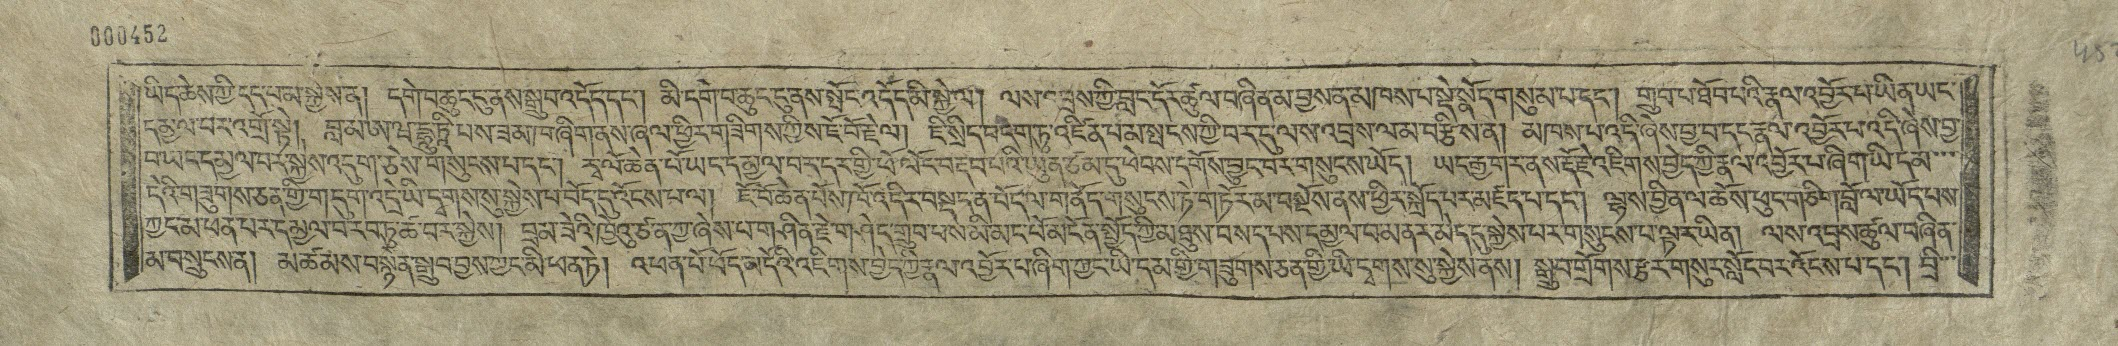ཡིད་ཆེས་ཀྱི་དད་པ་མ་སྐྱེས་ན། དགེ་བ་ཆུང་ངུ་ནས་སྒྲུབ་འདོད་དང་། མི་དགེ་བ་ཆུང་ངུ་ནས་སྤོང་འདོད་མི་སྐྱེ་ལ། ལས་འབྲས་ཀྱི་བླང་དོར་ཚུལ་བཞིན་མ་བྱས་ན་མཁས་པ་སྡེ་སྣོད་གསུམ་པ་དང་། གྲུབ་པ་ཐོབ་པའི་རྣལ་འབྱོར་པ་ཡིན་ཡང་
དམྱལ་བར་འགྲོ་སྟེ། བླ་མ་ཨ་ཝ་དྷཱུ་ཏཱི་པས་ཟམ་ཁ་ཞིག་ནས་ཞལ་ཕྱིར་གཟིགས་ཀྱིས་ཇོ་བོ་རྗེ་ལ། ཇི་སྲིད་བདག་ཏུ་འཛིན་པ་མ་སྤངས་ཀྱི་བར་དུ་ལས་འབྲས་ལ་མ་བརྩིས་ན། མཁས་པ་འདི་ཞེས་བྱ་བ་དང་རྣལ་འབྱོར་པ་འདི་ཞེས་བྱ་
བ་ཡང་དམྱལ་བར་སྐྱེས་འདུག་ཅེས་གསུངས་པ་དང་། རྭ་ལོ་ཆེན་པོ་ཡང་དམྱལ་བར་དར་གྱི་ཕོ་ལོང་བརྡབ་པའི་ཡུན་ཙམ་དུ་ཕེབས་དགོས་བྱུང་བར་གསུངས་ཡོད། ཡང་རྒྱ་གར་ནས་རྡོ་རྗེ་འཇིགས་བྱེད་ཀྱི་རྣལ་འབྱོར་པ་ཞིག་ཡི་དམ་
དེའི་གཟུགས་ཅན་གྱི་གདུག་འདྲེ་ཡི་དྭགས་སུ་སྐྱེས་པ་བོད་དུ་འོངས་པ་ལ། ཇོ་བོ་ཆེན་པོས་ཁོ་འདིར་བསྡད་ན་བོད་ལ་གནོད་གསུངས་ཏེ་གཏོར་མ་བསྔོས་ནས་ཕྱིར་སྐྲོད་པར་མཛད་པ་དང་། ལྷས་བྱིན་ལ་ཆོས་ཕུང་གཅིག་བློ་ལ་ཡོད་པས་
ཀྱང་མ་ཕན་པར་དམྱལ་བ་རབ་ཏུ་ཚ་བར་སྐྱེས། བྲམ་ཟེའི་ཁྱེའུ་ཙ་ན་ཀྱ་ཞེས་པ་གཤིན་རྗེ་གཤེད་གྲུབ་པས་མི་མང་པོ་མངོན་སྤྱོད་ཀྱི་མཐུས་བསད་པས་དམྱལ་བ་མནར་མེད་དུ་སྐྱེས་པར་གསུངས་པ་ལྟར་ཡིན། ལས་འབྲས་ཚུལ་བཞིན་
མ་བསྲུངས་ན། མཚམས་བསྙེན་སྒྲུབ་བྱས་ཀྱང་མི་ཕན་ཏེ། འཕན་པོ་ཕོད་མདོའི་འཇིགས་བྱེད་ཀྱི་རྣལ་འབྱོར་པ་ཞིག་ཀྱང་ཡི་དམ་གྱི་གཟུགས་ཅན་གྱི་ཡི་དྭགས་སུ་སྐྱེས་ནས། སྒྲུབ་གྲོགས་རྩར་གསུར་སློང་བར་འོངས་པ་དང་། བྲི་